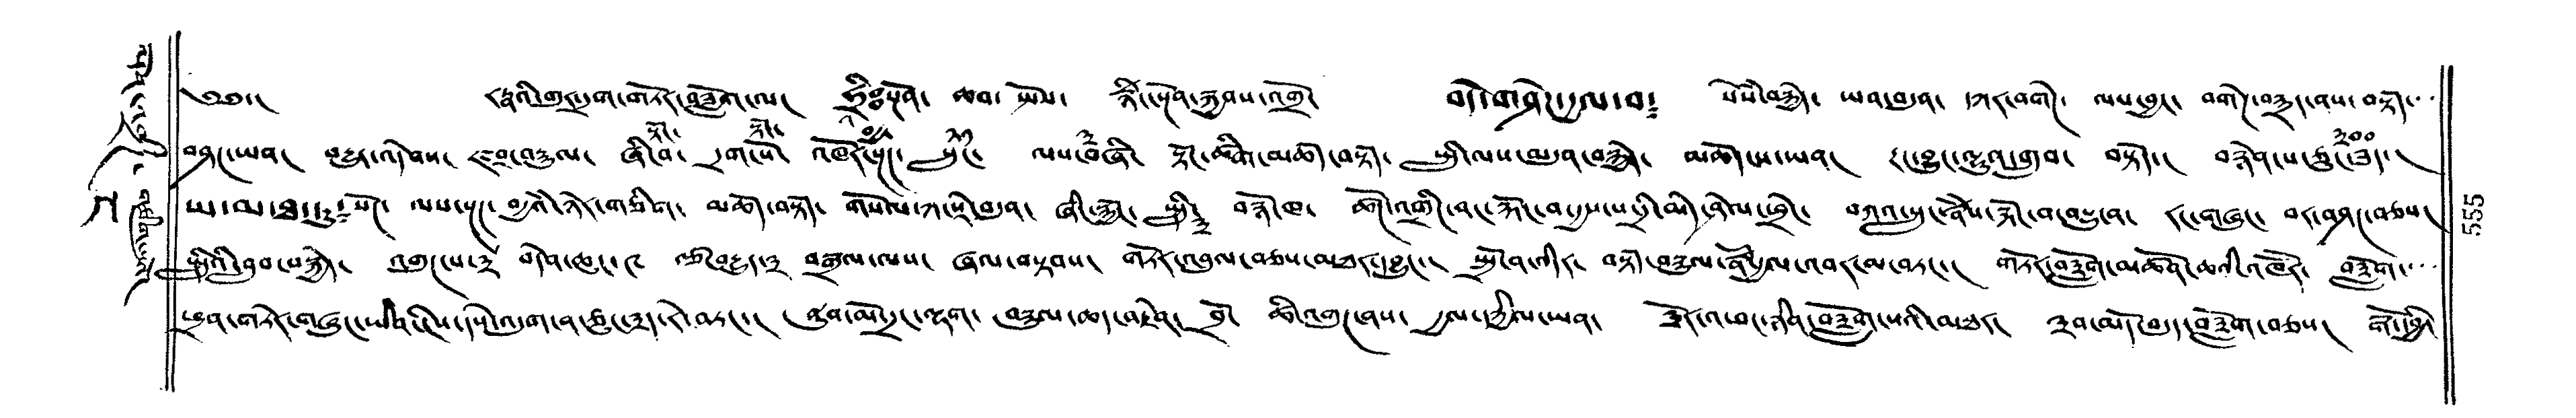རཏྣའི་གུར་དྲག་གཏོར་བཟློག་ལ། ཧྲཱིཿསྔོན༴ ཆབ། སྤོས། རྙིང་སྔོན་སྐྱབས་འགྲོ། བདེ་གཤེགས་རྒྱལ་བ༴ སེམས་བསྐྱེད། ཡན་བདུན། དཀར་བགེགས། ལས་བྱང་། བགེགས་བསྐྲད་ནས་བསྟོད་
བཤགས་ཡན། བརྒྱུད་འདེབས། ཛཔྲ་བསྐུལ། ཞི་བ་སྟོང་། དྲག་པོ་སྟོང་། འཁོར་སྔགས་བརྒྱ། སྲུང་འཁོར་ཉེར་གཅིག ལས་བཞི་གསུམ། སྟོང་ཚིག་མཆོད་བསྟོད། སྤུ་གྲི་ལས་མདུན་བསྐྱེད། མཆོད་པ་ཡན། རང་བྱུང་ལྷུན་གྲུབ༴ བསྟོད། བསྙེན་པ་ཅུང་ཟད། 
ཡ་མ་ཐ་ཏུ༴ སོགས། ལས་སྔགས། བརྒྱའམ་ཉར་གཅིག མཆོད་བསྟོད། གསོལ་ཀ་སྡེ་བདུན། ཞིང་སྐྱོང་། སྤུ་གྲི་གསུམ། བསྙོ་ཁ། ཚོགས་འགྲིགས་ནང་སྐོང་བ་རྒྱས་པ་དྲི་མེད་ཤེལ་ཕྲེང་། བཀའ་སྲུང་རྣམས་སྐོང་བ་བསྡུ་ན། རང་གཞུང་། བར་བཤགས་བཅས། 
སྤུ་གྲིའི་བྲུབ་བསྐྱེད། འགུགས་པ་གསུམ། བདེན་ཆུང་བཞི། རྩ་བརྒྱུད་གསུམ། བསྒྲལ་ལས། ཞལ་བསྟབ། གཏོར་འབུལ་བཅས་མཐར་དབྱུང་། སྤྲོན་འདིར་བསྟོད་བསྐུལ་རྣམ་རྒྱལ་འབར་མ་གཏང་། གཏོར་བཟློག་མཚོན་ཆའི་འཁོར་ལོ། བཟློག་
ཕྲན་གཏེར་གཞུང་ཡིན་ངེས་དཔེ་འདུག་ན་ཅུང་ཟད་རེ་གཏང་། ནུབ་མོ་དྲང་ལྷག བསྐུལ་ཆད་བརྟན། ཚེ་འགུགས་ནས་རྒྱལ་དཀྱིལ་ཡན། ཟོར་འཕང་ཉིན་བཟློག་པའི་མཐར། ཟབ་མདོ་བདུད་བཟློག་བཅས། སྒོ་དབྱེ་